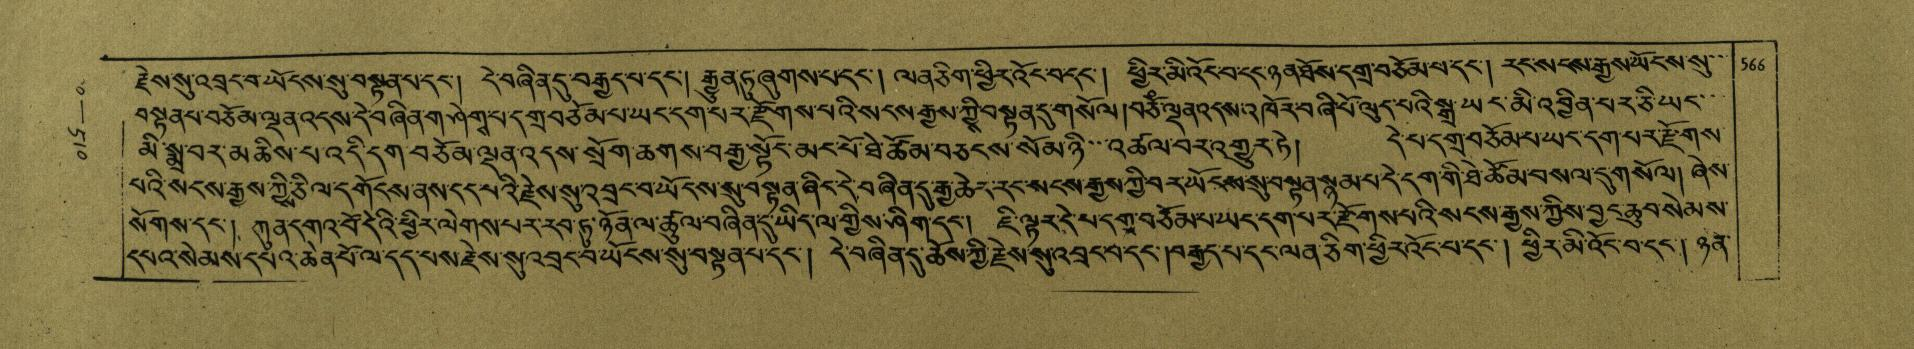རྗེས་སུ་འབྲང་བ་ཡོངས་སུ་བསྟན་པ་དང་། དེ་བཞིན་དུ་བརྒྱད་པ་དང་། རྒྱུན་ཏུ་ཞུགས་པ་དང་། ལན་ཅིག་ཕྱིར་འོང་བ་དང་། ཕྱིར་མི་འོང་བ་དང་ཉན་ཐོས་དགྲ་བཅོམ་པ་དང་། རང་སངས་རྒྱས་ཡོངས་སུ་
བསྟན་པ་བཅོམ་ལྡན་འདས་དེ་བཞིན་གཤེགས་པ་དགྲ་བཅོམ་པ་ཡང་དག་པར་རྫོགས་པའི་སངས་རྒྱས་ཀྱིས་བསྟན་དུ་གསོལ། བཅོཾ་ལྡན་འདས་འཁོར་བཞི་པོ་ལུད་པའི་སྒྲ་ཡང་མི་འབྱིན་པར་ཅི་ཡང་
མི་སྨྲ་བར་མཆིས་པ་འདི་དག་བཅོམ་ལྡན་འདས་སྲོག་ཆགས་བརྒྱ་སྟོང་མང་པོ་ཐེ་ཚོམ་བཅངས་སོམ་ཉི་འཚལ་བར་འགྱུར་ཏེ། དེ་པ་དགྲ་བཅོམ་པ་ཡང་དག་པར་རྫོགས་
པའི་སངས་རྒྱས་ཀྱིས་ཅི་ལ་དགོངས་ནས་དད་པའི་རྗེས་སུ་འབྲང་བ་ཡོངས་སུ་བསྟན་ཞིང་དེ་བཞིན་དུ་རྒྱ་ཆེར་རང་སང་རྒྱས་ཀྱི་བར་ཡོངས་སུ་བསྟན་སྙམ་པ་དེ་དག་གི་ཐེ་ཚོམ་བསལ་དུ་གསོལ། ཞེས་
སོགས་དང་། ཀུན་དགའ་བོ་དེའི་ཕྱིར་ལེགས་པར་རབ་ཏུ་ཉོན་ལ་ཚུལ་བཞིན་དུ་ཡིད་ལ་གྱིས་ཤིག་དང་། ཇི་ལྟར་དེ་པ་དགྲ་བཅོམ་པ་ཡང་དག་པར་རྫོགས་པའི་སངས་རྒྱས་ཀྱིས་བྱང་ཆུབ་སེམས་
དཔའ་སེམས་དཔའ་ཆེན་པོ་ལ་དད་པས་རྗེས་སུ་འབྲང་བ་ཡོངས་སུ་བསྟན་པ་དང་། དེ་བཞིན་དུ་ཆོས་ཀྱི་རྗེས་སུ་འབྲང་བ་དང་། བརྒྱད་པ་དང་ལན་ཅིག་ཕྱིར་འོང་པ་དང་། ཕྱིར་མི་འོང་བ་དང་། ཉན་